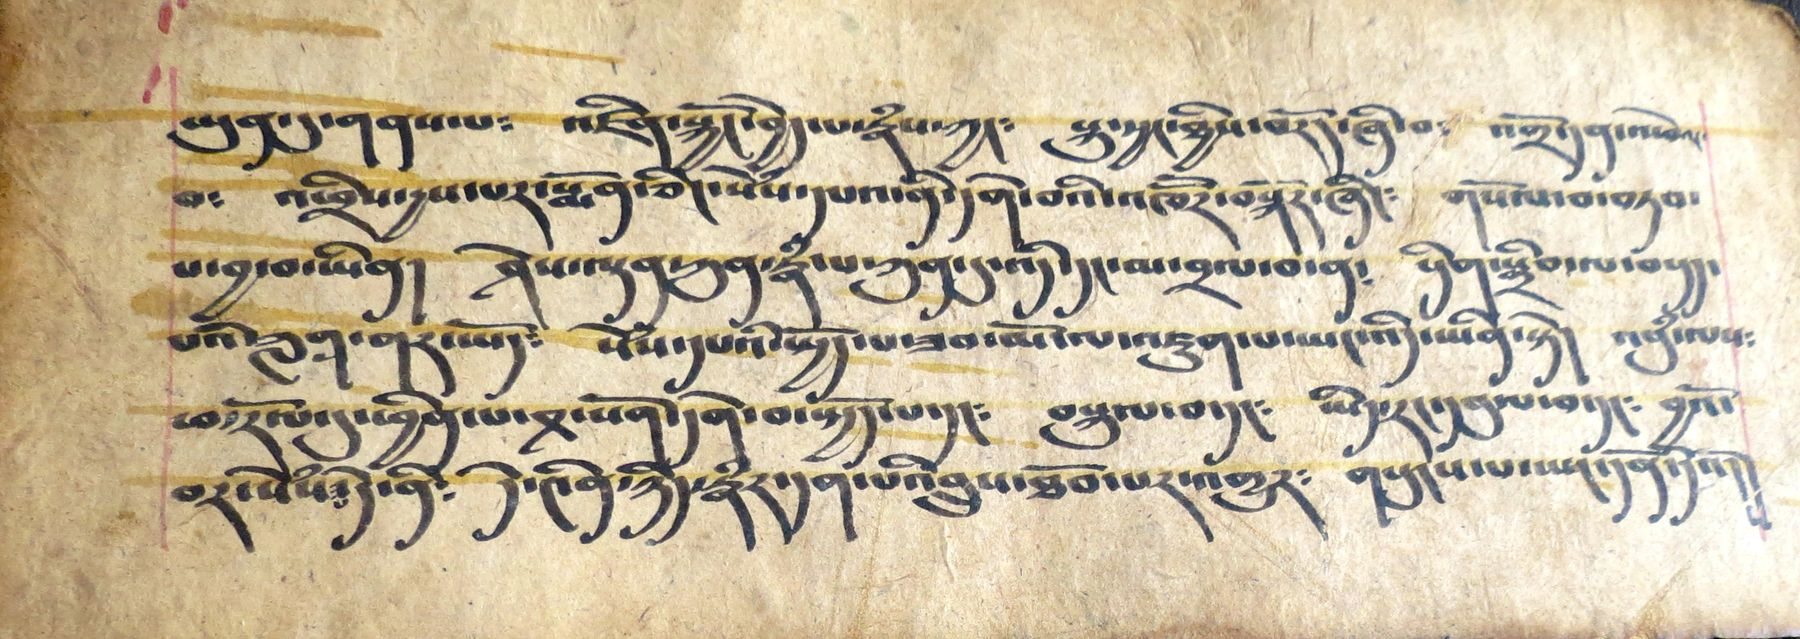ཡུན་དུ་གནས་པ། འཛིན་སྐྱོང་བྱེད་པ་རྣམས་ཀྱང་སྐུ་གསུང་ཐུགས་ཀྱི་བར་ཆོད་ཞི་བ། འགྲོ་དོན་འཕེལ་
བ། འཕྲིན་ལས་རྒྱས་པར་སྨོན་ཅིང་སེམས་པ་ནི། དགེ་བའི་འཁོར་ལོ་བསྐོར་ཞིང་གསོལ་བ་བཏབ་
པ་བྱ་བ་ཡིན། ཤེས་ལྡན་རྣམ་པ་ཀུན་ཏུ་འདི་དང་མ་བྲལ་ན། སྡིག་སྒྲིབ་ལ་སྡོད་
པའི་གླག་གར་ཡོད། སེམས་དཔའི་སྤྱོད་པ་ཟབ་མོ་ལ་འཇུག་པ་ཡང་འདི་ཡིན་ཏེ། འབུམ་ལས། 
ཕ་རོལ་དུ་ཕྱིན་པ་བཅུ་ལ་སོགས་དགེ་བ་སྤྱོད་པ་དང་། བསྐུལ་བ་དང་། ཡིད་རང་འབུལ་བ་དང་། བྱའོ་
བར་སེམས་བསྐྱེད་པ་དེ་ནི། དེ་བཞིན་ཉིད་རྣམ་པར་དག་པའི་འབྲས་བུ་ཐོབ་པར་འགྱུར་རོ། ། གསུངས་པ་ཡང་དོན་དེའོ། །